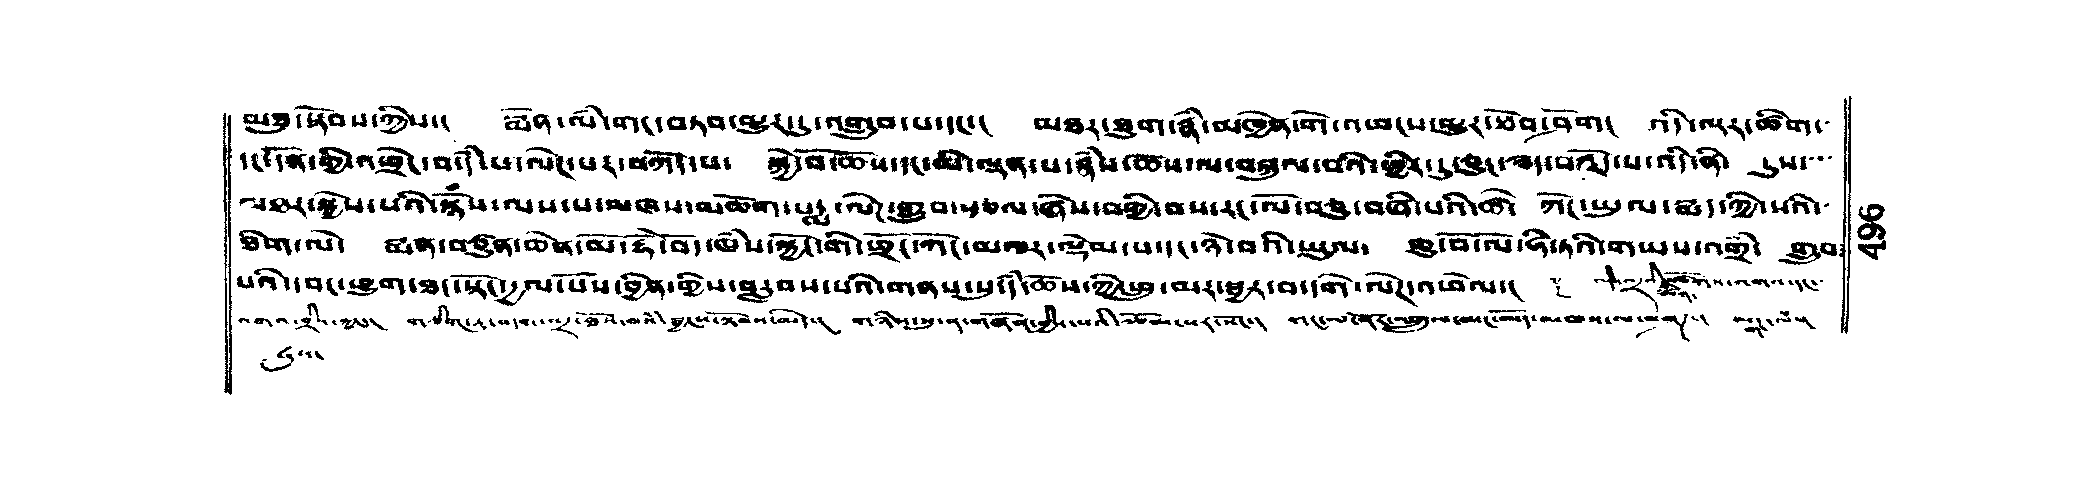མཐུ་སྟོབས་ཀྱིས། །སྨོན་ལམ་གང་བཏབ་མྱུར་དུ་འགྲུབ་པ་དང་། །མཐར་ཐུག་རྣམ་མཁྱེན་གོ་འཕང་མྱུར་ཐོབ་ཤོག། འདི་ལྟར་ཚིག་
དང་དོན་གྱི་འཕྲེང་བ་དམ་པ་ལེགས་པར་བཀོད་པ། སྐྱེ་བོ་ཆོས་དང་མི་ལྡན་པ་རྣམས་ཆོས་ལ་བསྐུལ་བའི་ཕྱིར་དུ་ཅུང་ཟད་བརྗོད་པ་འདི་ནི། དུས་
མཐར་སྐྱེས་པའི་སྙོམས་ལས་པ་མཁས་མཆོག་པདྨ་ལེགས་གྲུབ་རྩལ་ཞེས་བགྱི་བས་རང་ལོ་བཅུ་བཞི་པའི་ཚེ། ཀོང་ཡུལ་སྨད་ཀྱི་སའི་
ཐིག་ལེ། སྨན་བཙུན་ཆེན་མོ་རྡོ་རྗེ་བོད་ཁམས་སྐྱོང་གི་ཕོ་བྲང་ཀོང་མཁར་ལྡེམ་པ་དང་ཉེ་བའི་ཡུལ། ཆུ་བོ་ལོ་ཧི་ཏའི་གཡས་འགྲམ། གྲུབ་
པའི་དབང་ཕྱུག་ཐང་སྟོང་རྒྱལ་པོས་བྱིན་གྱིས་བརླབས་པའི་གནས་སུ་དམ་ཆོས་ཀྱི་ཕྲུ་མར་སྦྱར་བ་དགེ་ལེགས་འཕེལ།། འདི་འདྲའི་ཚིག་ཚོགས་འགའ་དང་
འགའ་བྲིས་ཀྱང་། །གཅིག་ཏུ་བདག་འདྲ་ཐོས་བསམ་སྦྱངས་སྟོབས་མེད། །གཉིས་སུ་ན་གཞོན་བྱིས་པའི་རྩོམ་པར་སོང་། །གང་ལ་ནོར་འཁྲུལ་མང་མོད་མཁས་ལ་བཤགས།། མངྒ་ལཾ། །